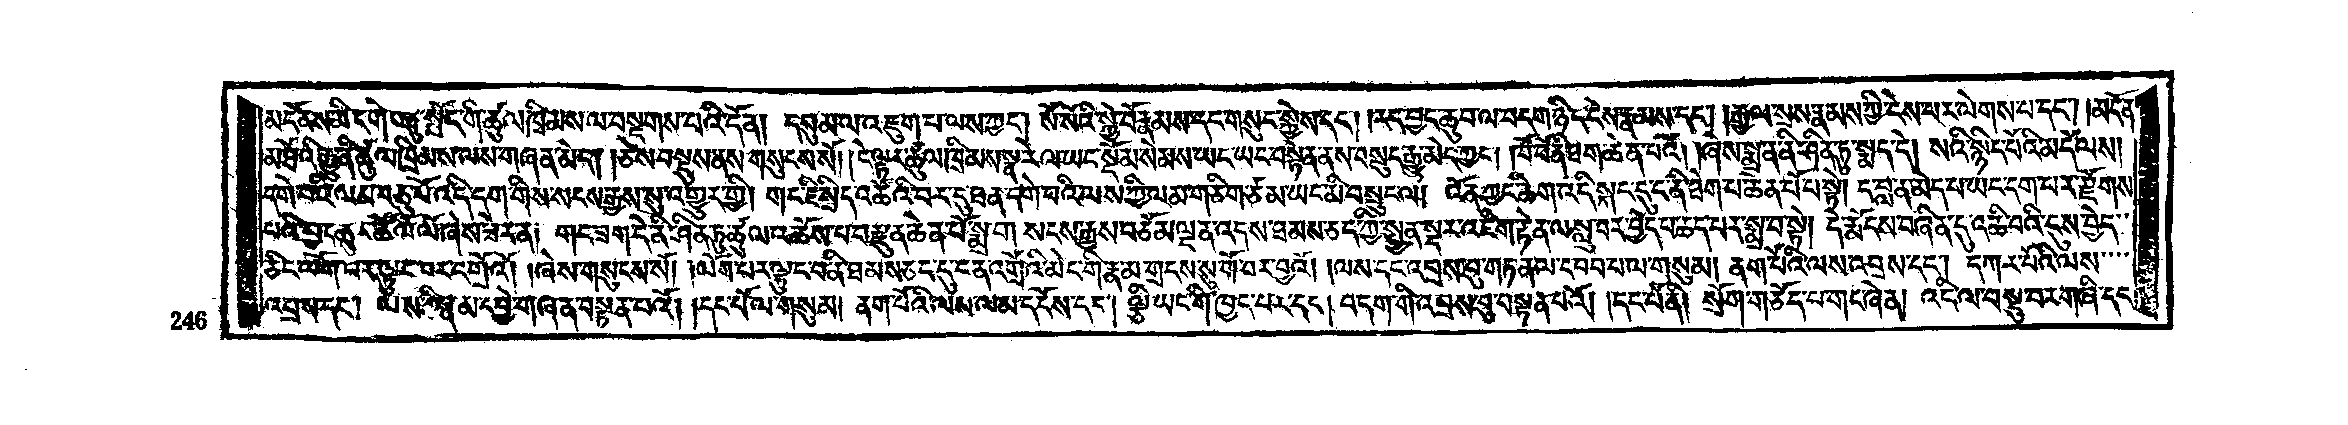མདོ་ནས་མི་དགེ་བཅུ་སྤོང་གི་ཚུལ་ཁྲིམས་ལ་བསྔགས་པའི་དོན། དབུ་མ་ལ་འཇུག་པ་ལས་ཀྱང་། སོ་སོའི་སྐྱེ་བོ་རྣམས་དང་གསུང་སྐྱེས་དང་། །རང་བྱང་ཆུབ་ལ་བདག་ཉིད་ངེས་རྣམས་དང་། །རྒྱལ་སྲས་རྣམས་ཀྱི་ངེས་པར་ལེགས་པ་དང་། །མངོན་
མཐོའི་རྒྱུ་ནི་ཚུལ་ཁྲིམས་ལས་གཞན་མེད། །ཅེས་བསྡུས་ནས་གསུངས་སོ། །དེ་ལྟར་ཚུལ་ཁྲིམས་སྣ་རེ་ལ་ཡང་སྡོམ་སེམས་ཡང་ཡང་བསྟེན་ནས་བསྲུང་རྒྱུ་མེད་ཀྱང་། ཁོ་བོ་ནི་ཐེག་ཆེན་པའོ། །ཞེས་སྨྲ་ན་ནི་ཤིན་ཏུ་སྨད་དེ། སའི་སྙིང་པོའི་མདོ་ལས།
དགེ་བའི་ལམ་བཅུ་པོ་འདི་དག་གིས་སངས་རྒྱས་སུ་འགྱུར་གྱི། གང་ཇི་སྲིད་འཚོའི་བར་དུ་ཐ་ན་དགེ་བའི་ལས་ཀྱི་ལམ་གཅིག་ཙམ་ཡང་མི་བསྲུང་ལ། འོན་ཀྱང་ཚིག་འདི་སྐད་དུ་ང་ནི་ཐེག་པ་ཆེན་པོ་པ་སྟེ། ང་བླ་ན་མེད་པ་ཡང་དག་པར་རྫོགས་
པའི་བྱང་ཆུབ་ཚོལ་ལོ་ཞེས་ཟེར་ན། གང་ཟག་དེ་ནི་ཤིན་ཏུ་ཚུལ་འཆོས་པ་བརྫུན་ཆེན་པོ་སྨྲ་བ། སངས་རྒྱས་བཅོམ་ལྡན་འདས་ཐམས་ཅད་ཀྱི་སྤྱན་སྔར་འཇིག་རྟེན་ལ་སླུ་བར་བྱེད་པ་ཆད་པར་སྨྲ་བ་སྟེ། དེ་རྨོངས་བཞིན་དུ་འཆི་བའི་དུས་བྱེད་
ཅིང་ལོག་པར་ལྟུང་བར་འགྲོའོ། །ཞེས་གསུངས་སོ། །ལོག་པར་ལྟུང་བ་ནི་ཐམས་ཅད་དུ་ངན་འགྲོའི་མིང་གི་རྣམ་གྲངས་སུ་གོ་བར་བྱའོ། །ལས་དང་འབྲས་བུ་གཏན་ལ་དབབ་པ་ལ་གསུམ། ནག་པོའི་ལས་འབྲས་དང་། དཀར་པོའི་ལས་
འབྲས་དང་། ལས་ཀྱི་རྣམ་དབྱེ་གཞན་བསྟན་པའོ། །དང་པོ་ལ་གསུམ། ནག་པོའི་ལས་ལམ་དངོས་དང་། ལྕི་ཡང་གི་ཁྱད་པར་དང་། དེ་དག་གི་འབྲས་བུ་བསྟན་པའོ། །དང་པོ་ནི། སྲོག་གཅོད་པ་གང་ཞེ་ན། འདི་ལ་བསྡུ་བར་གཞི་དང་